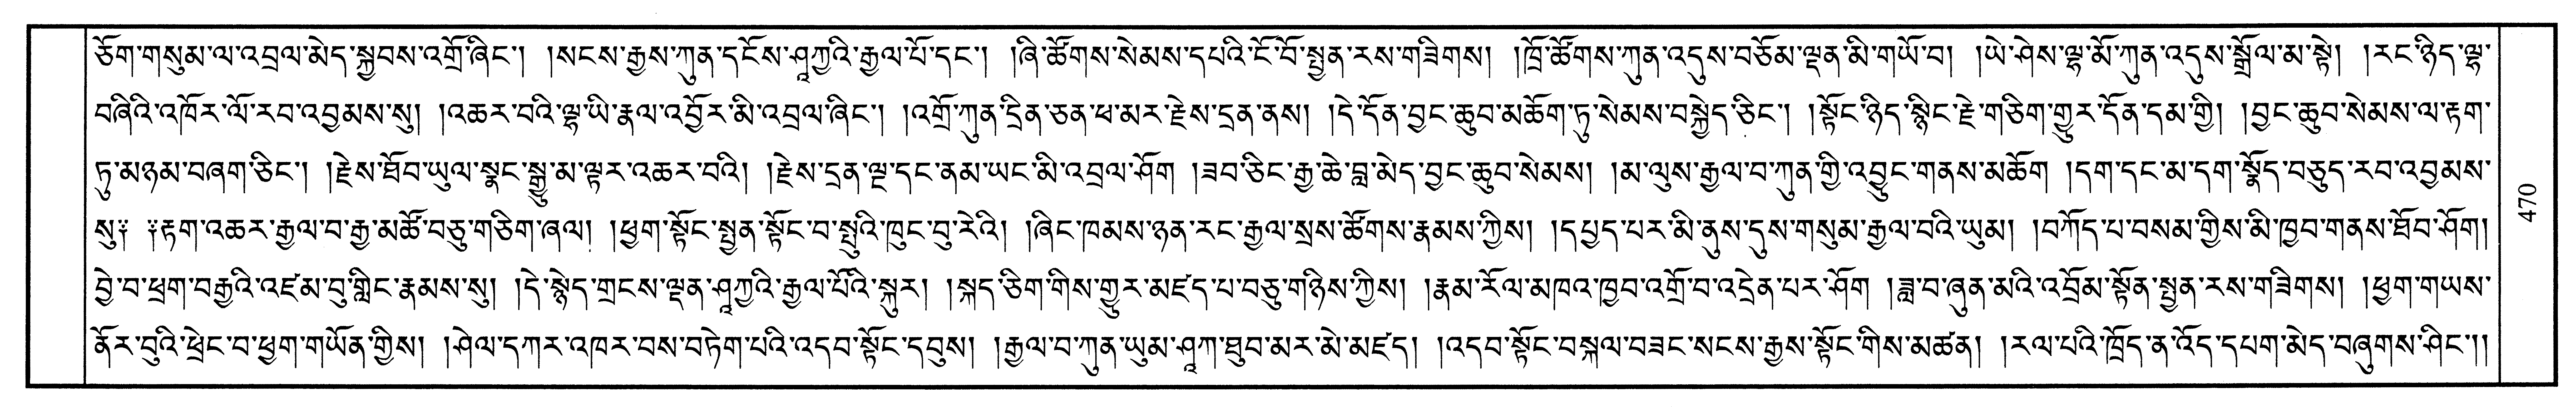ཅོག་གསུམ་ལ་འབྲལ་མེད་སྐྱབས་འགྲོ་ཞིང་། །སངས་རྒྱས་ཀུན་དངོས་ཤཱཀྱའི་རྒྱལ་པོ་དང་། །ཞི་ཚོགས་སེམས་དཔའི་ངོ་བོ་སྤྱན་རས་གཟིགས། །ཁྲོ་ཚོགས་ཀུན་འདུས་བཅོམ་ལྡན་མི་གཡོ་བ། །ཡེ་ཤེས་ལྷ་མོ་ཀུན་འདུས་སྒྲོལ་མ་སྟེ། །རང་ཉིད་ལྷ་
བཞིའི་འཁོར་ལོ་རབ་འབྱམས་སུ། །འཆར་བའི་ལྷ་ཡི་རྣལ་འབྱོར་མི་འབྲལ་ཞིང་། །འགྲོ་ཀུན་དྲིན་ཅན་ཕ་མར་རྗེས་དྲན་ནས། །དེ་དོན་བྱང་ཆུབ་མཆོག་ཏུ་སེམས་བསྐྱེད་ཅིང་། །སྟོང་ཉིད་སྙིང་རྗེ་གཅིག་གྱུར་དོན་དམ་གྱི། །བྱང་ཆུབ་སེམས་ལ་རྟག་
ཏུ་མཉམ་བཞག་ཅིང་། །རྗེས་ཐོབ་ཡུལ་སྣང་སྒྱུ་མ་ལྟར་འཆར་བའི། །རྗེས་དྲན་ལྔ་དང་ནམ་ཡང་མི་འབྲལ་ཤོག །ཟབ་ཅིང་རྒྱ་ཆེ་བླ་མེད་བྱང་ཆུབ་སེམས། །མ་ལུས་རྒྱལ་བ་ཀུན་གྱི་འབྱུང་གནས་མཆོག །དག་དང་མ་དག་སྣོད་བཅུད་རབ་འབྱམས་
སུ༑ ༑རྟག་འཆར་རྒྱལ་བ་རྒྱ་མཚོ་བཅུ་གཅིག་ཞལ། །ཕྱག་སྟོང་སྤྱན་སྟོང་པ་སྤུའི་ཁུང་བུ་རེའི། །ཞིང་ཁམས་ཉན་རང་རྒྱལ་སྲས་ཚོགས་རྣམས་ཀྱིས། །དཔྱད་པར་མི་ནུས་དུས་གསུམ་རྒྱལ་བའི་ཡུམ། །བཀོད་པ་བསམ་གྱིས་མི་ཁྱབ་གནས་ཐོབ་ཤོག །
བྱེ་བ་ཕྲག་བརྒྱའི་འཛམ་བུ་གླིང་རྣམས་སུ། །དེ་སྙེད་གྲངས་ལྡན་ཤཱཀྱའི་རྒྱལ་པོའི་སྐུར། །སྐད་ཅིག་གིས་གྱུར་མཛད་པ་བཅུ་གཉིས་ཀྱིས། །རྣམ་རོལ་མཁའ་ཁྱབ་འགྲོ་བ་འདྲེན་པར་ཤོག །ཟླ་བ་ཞུན་མའི་འབྲོམ་སྟོན་སྤྱན་རས་གཟིགས། །ཕྱག་གཡས་
ནོར་བུའི་ཕྲེང་བ་ཕྱག་གཡོན་གྱིས། །ཤེལ་དཀར་འཁར་བས་བཏེག་པའི་འདབ་སྟོང་དབུས། །རྒྱལ་བ་ཀུན་ཡུམ་ཤཱཀ་ཐུབ་མར་མེ་མཛད། །འདབ་སྟོང་བསྐལ་བཟང་སངས་རྒྱས་སྟོང་གིས་མཚན། །རལ་པའི་ཁྲོད་ན་འོད་དཔག་མེད་བཞུགས་ཤིང།།